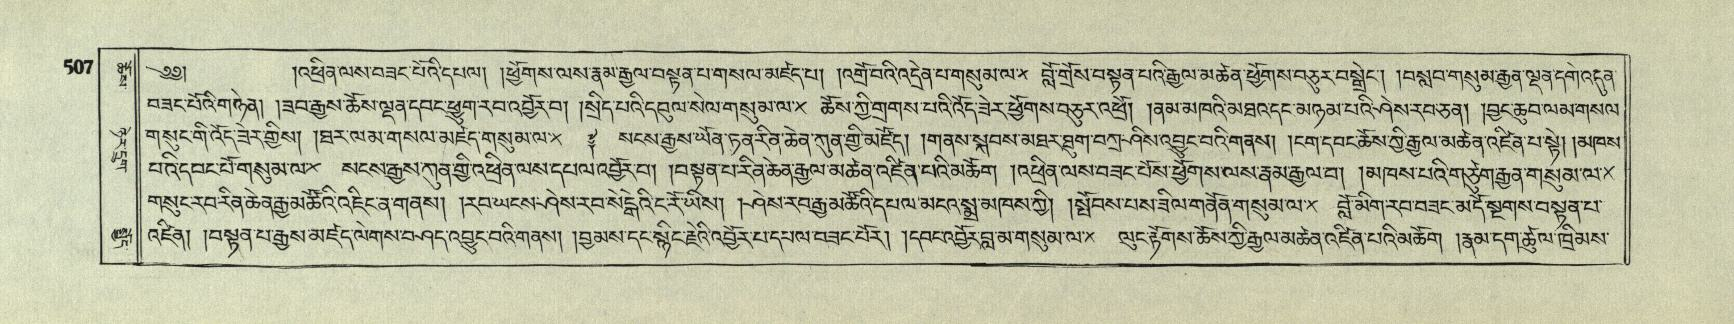༄༅། །འཕྲིན་ལས་བཟང་པོའི་དཔལ། །ཕྱོགས་ལས་རྣམ་རྒྱལ་བསྟན་པ་གསལ་མཛད་པ། །འགྲོ་བའི་འདྲེན་པ་གསུམ་ལ་྾་བློ་གྲོས་བསྟན་པའི་རྒྱལ་མཚན་ཕྱོགས་བཅུར་བསྒྲེང་། །བསླབ་གསུམ་རྒྱན་ལྡན་དགེ་འདུན་
བཟང་པོའི་གཉེན། །ཟབ་རྒྱས་ཆོས་ལྡན་དབང་ཕྱུག་རབ་འབྱོར་བ། །སྲིད་པའི་དབུལ་སེལ་གསུམ་ལ་྾་ཆོས་ཀྱི་གྲགས་པའི་འོད་ཟེར་ཕྱོགས་བཅུར་འཕྲོ། །ནམ་མཁའི་མཐའ་དང་མཉམ་པའི་ཤེས་རབ་ཅན། །བྱང་ཆུབ་ལམ་གསལ་
གསུང་གི་འོད་ཟེར་གྱིས། །ཐར་ལམ་གསལ་མཛད་གསུམ་ལ་྾་འ་སངས་རྒྱས་ཡོན་ཏན་རིན་ཆེན་ཀུན་གྱི་མཛོད། །གནས་སྐབས་མཐར་ཐུག་བཀྲ་ཤིས་འབྱུང་བའི་གནས། །ངག་དབང་ཆོས་ཀྱི་རྒྱལ་མཚན་འཛིན་པ་སྟེ། །མཁས་
པའི་དབང་པོ་གསུམ་ལ་྾་སངས་རྒྱས་ཀུན་གྱི་འཕྲིན་ལས་དཔལ་འབྱོར་བ། །བསྟན་པ་རིན་ཆེན་རྒྱལ་མཚན་འཛིན་པའི་མཆོག །འཕྲིན་ལས་བཟང་པོས་ཕྱོགས་ལས་རྣམ་རྒྱལ་བ། །མཁས་པའི་གཙུག་རྒྱན་གསུམ་ལ་྾་
གསུང་རབ་རིན་ཆེན་རྒྱ་མཚོའི་འཇིང་ན་གནས། །རབ་ཡངས་ཤེས་རབ་སེངྒེའི་ང་རོ་ཡིས། །ཤེས་རབ་རྒྱ་མཚོའི་དཔལ་མངའ་སྨྲ་མཁས་ཀྱི། །སྤོབས་པས་ཟིལ་གནོན་གསུམ་ལ་྾་བློ་མིག་རབ་བཟང་མདོ་སྔགས་བསྟན་པ་
འཛིན། །བསྟན་པ་རྒྱས་མཛད་ལེགས་བཤད་འབྱུང་བའི་གནས། །བྱམས་དང་སྙིང་རྗེའི་འབྱོར་པ་དཔལ་བཟང་པོར། །དབང་འབྱོར་བླ་མ་གསུམ་ལ་྾་ལུང་རྟོགས་ཆོས་ཀྱི་རྒྱལ་མཚན་འཛིན་པའི་མཆོག །རྣམ་དག་ཚུལ་ཁྲིམས་